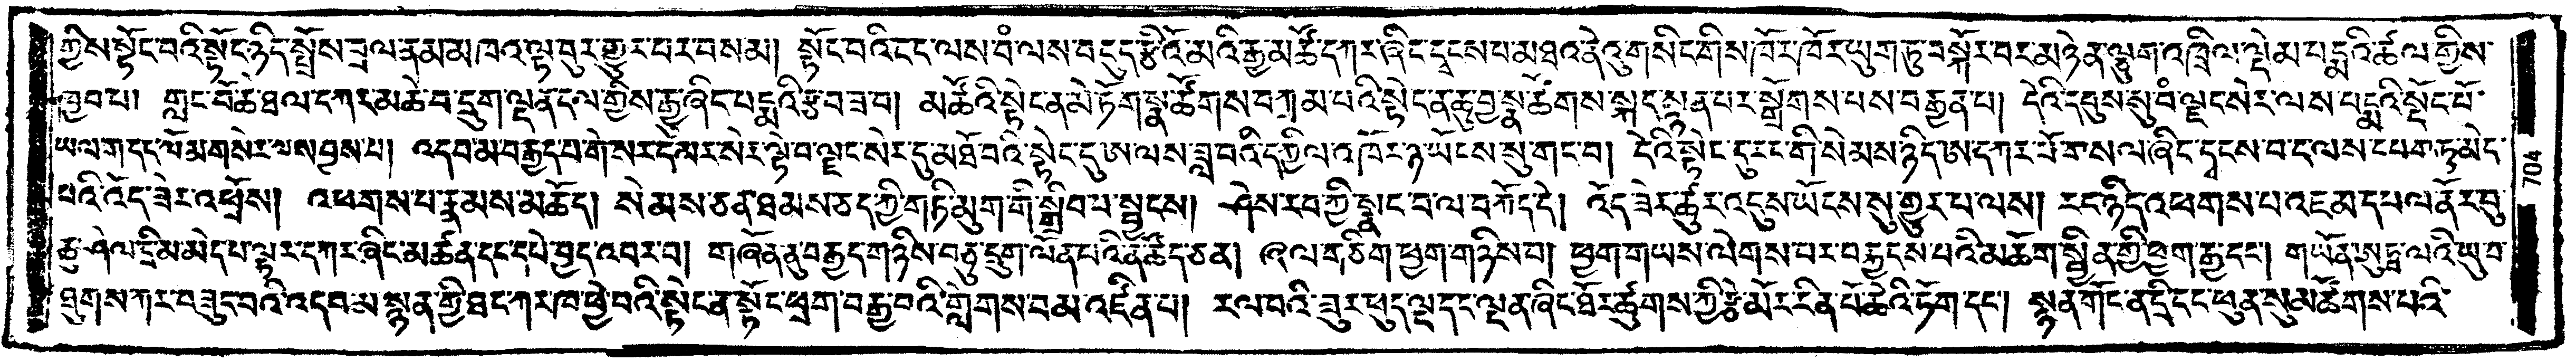གྱིས་སྟོང་པའི་སྟོང་ཉིད་སྤྲོས་བྲལ་རྣམ་མཁའ་ལྟ་བུར་གྱུར་པར་བསམ། སྟོང་བའི་ངང་ལས་བཾ་ལས་བདུད་རྩིའོ་མའི་རྒྱ་མཚོ་དཀར་ཞིང་དྭངས་པ་མཐའ་ནེའུག་སིང་གིས་ཁོར་ཁོར་ཡུག་ཏུ་བསྐོར་བར་མཉེན་ལྕུག་འཁྲིལ་སྡེམ་པདམའི་ཚལ་གྱིས་
ཁྱབ་པ། གླང་བོ་ཆེ་ཐལ་དཀར་མཆེ་བ་དྲུག་ལྡན་དལ་གྱིས་རྒྱུ་ཞིང་པདམའི་རྩ་བ་ཟ་བ། མཚོའི་སྟེང་ན་མེ་ཏོག་སྣ་ཚོགས་བཀད་པའི་སྟེང་ན་ཆུ་བྱ་སྣ་ཚོགས་སྐད་སྙན་པར་སྒྲོགས་པས་བརྒྱན་པ། དེའི་དབུས་སུ་བཾ་ལྗང་སེར་ལས་པདམའི་སྡོང་བོ་
ཡལ་གདང་ལོ་མ་གསེར་ལས་བྱས་པ། འདབ་མ་བརྒྱད་པ་གེ་སར་དམར་སེར་ལྟེ་བ་ལྗང་སེར་དུ་མཐོ་བའི་སྟེང་དུ་ཨ་ལས་ཟླ་བའི་དཀྱིལ་འཁོར་ཉ་ཡོངས་སུ་གང་བ། དེའི་སྟེང་དུ་རང་གི་སེམས་ཉིད་ཨ་དཀར་པོ་གསལ་ཞིང་དྭངས་པ་ང་ལས་དཔག་ཏུ་མེད་
པའི་འོད་ཟེར་འཕྲོས། འཕགས་པ་རྣམས་མཆོད། སེམས་ཅན་ཐམས་ཅད་ཀྱི་གཏི་མུག་གི་སྒྲིབ་པ་སྦྱངས། ཤེས་རབ་ཀྱི་སྣང་བ་ལ་བཀོད་དེ། འོད་ཟེར་ཚུར་འདུས་ཡོངས་སུ་གྱུར་པ་ལས། རང་ཉིད་འཕགས་པ་འཇམ་དཔལ་ནོར་བུ་
ཆུ་ཤེལ་དྲི་མ་མེད་པ་ལྟར་དཀར་ཞིང་མཚན་དང་དཔེ་བྱད་འབར་བ། གཞོན་ནུ་བརྒྱད་གཉིས་བཅུ་དྲུག་ལོན་པའི་ན་ཚོད་ཅན། ཞལ་གཅིག་ཕྱག་གཉིས་པ། ཕྱག་གཡས་ལེགས་པར་བརྐྱངས་པའི་མཆོག་སྦྱིན་གྱི་ཕྱག་རྒྱ་དང་། གཡོན་ཨུཏྤ་བའི་ཡུབ་
ཐུགས་ཀར་བཟུང་བའི་འདབ་མ་སྙན་གྱི་ཐང་ཀར་ཁ་ཕྱེ་བའི་སྟེང་ན་སྟོང་ཕྲག་བརྒྱ་བའི་གླེགས་བམ་འཛིན་པ། རལ་བའི་ཟུར་ཕུད་ལྔ་དང་ལྡན་ཞིང་ཐོར་ཚུགས་ཀྱི་རྩེ་མོར་རིན་པོ་ཆེའི་ཏོག་དང་། སྙན་གོང་ན་དྲི་དང་ཕུན་སུམ་ཚོགས་པའི་